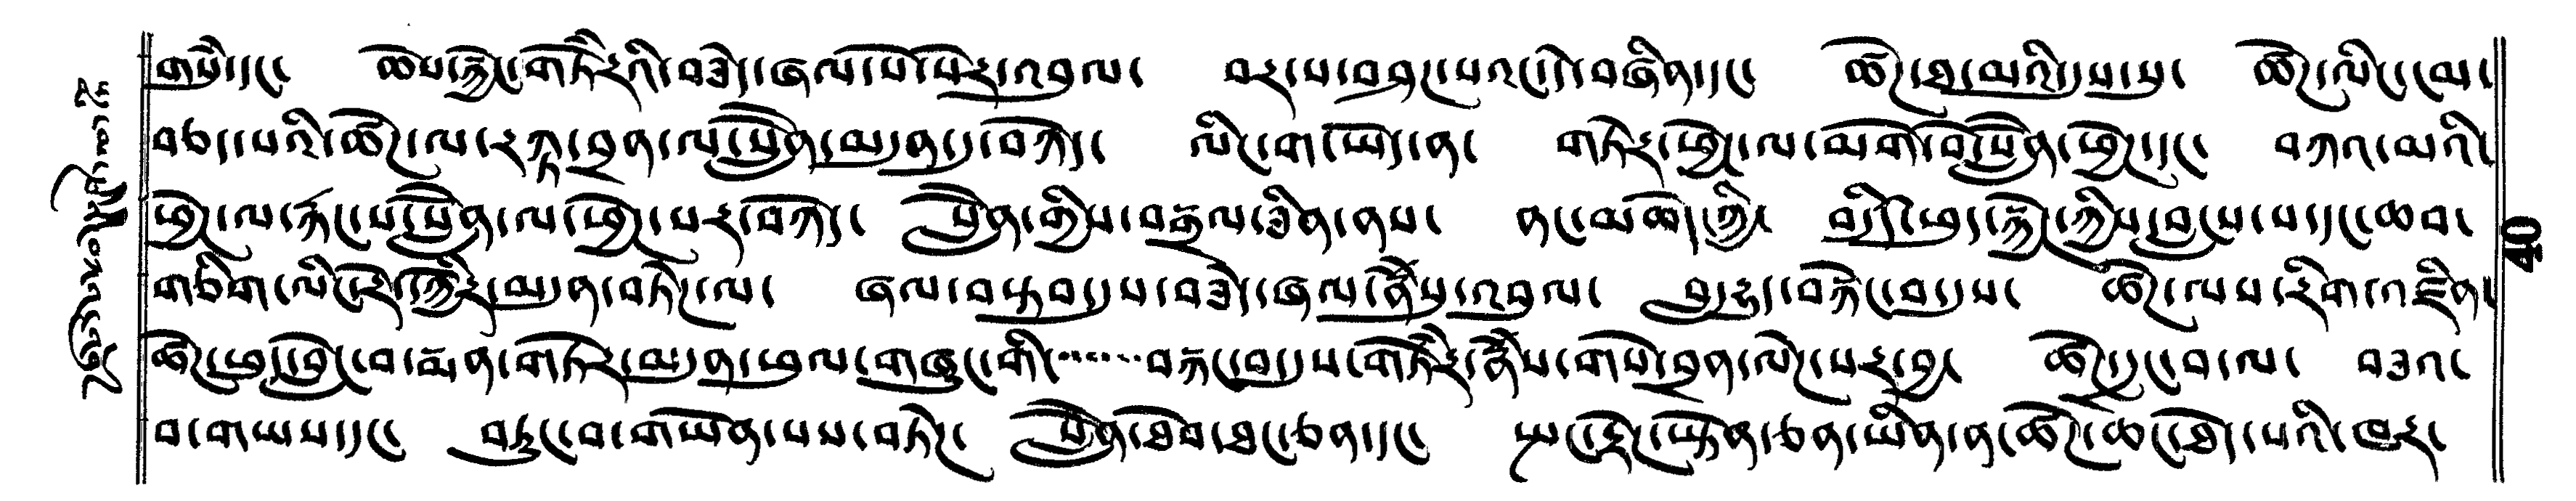གསུམ་དང་། ཆོས་སྐྱོང་གཏོར་མའི་བཟེད་ཞལ་སོ་སོར་འབུལ། བར་པ་བཤགས་པའང་དེ་བཞིན་དང་། ཚོགས་ཐ་མའི་དུས་སུ།ཚོགས་ལིང་ངམ་
བཅད་པའི་ཚོགས་ལ་རཀྟ་བྲན་ལ་སློབ་དཔོན་མདུན་དུ་བཀོད། ལིངྒ་ཡོད་ན། གཏེར་ཕྱོགས་ལ་མགོ་བོ་སློབ་དཔོན་ཕྱོགས་དང་། བཀའ་མའི་
ཕྱོགས་ལ་རྐང་བ་སློབ་དཔོན་ལ་ཕྱོགས་པར་བཀོད། སློབ་དཔོན་གྱིས་བསྒྲལ་ཟིན་ནས། ནང་མཆོད་ཀྱི་བདུད་རྩི་ཕུད་སྐྱོགས་ཀྱི་བླངས་པ་དང་ཆབས་
གཅིག་ལིང་རོ་དཀྱིལ་འཁོར་མདུན་བཏེགས་ལ། ཞལ་བསྟབ་དུས་བཟེད་ཞལ་རྣམས་སུ་འབུལ། བླ་རྒྱུད་བསྐོང་བའི་དུས། ཚོགས་ལས་རིག་འཛིན་
ཚོགས་ཕུད་བླངས་བ་སྨན་གཏོར་མདུན་ཕུལ། གཞུང་གི་བསྐང་བའི་དུས་གཏོར་མ་རྣམས་གསོ་བྲན་ལེགས་པར་བྱ། ཚོགས་དྲང་བ་ལ། བཟའ་
བ་གཡས་དང་། བཏུང་བ་གཡོན་པས་བཏེགས། སློབ་དཔོན་ཐོབ་ཐང་ཅན་དང་། སྤང་རྟོགས་ཡོན་ཏན་ཅན་ཡིན་ན་ཚོགས་ཆང་ཐོད་པའི་ཁར་